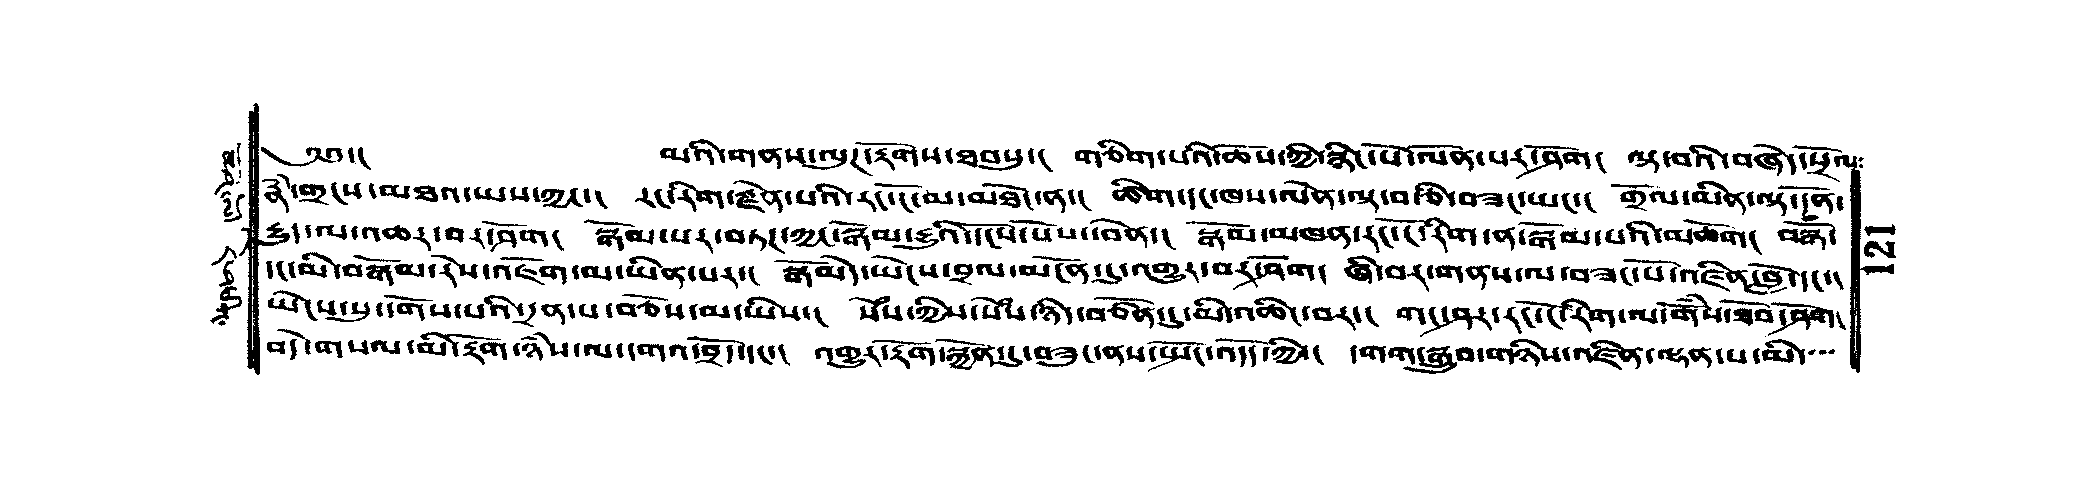མའི་གནས་ལུགས་རྟོགས་ཐབས་སུ། །གཅིག་པའི་ཆོས་ཀྱི་སྙིང་པོ་ལོན་པར་ཤོག །ལྟ་བའི་བཞེད་སྲོལ་
རྣམ་གྲངས་མཐའ་ཡས་ཀྱང་། །རང་རིག་རྗེན་པའི་རང་ངོ་མ་མཐོང་ན། །ཚིག་དང་ཁས་ལེན་ལྟ་བ་ཅི་བཟང་ཡང་། །གྲོལ་མིན་ལྟ་དོན་
རྒྱུད་ལ་འཆར་བར་ཤོག །སྒོམ་པར་བཏགས་ཀྱང་སྒོམ་རྒྱུའི་དངོས་པོས་དབེན། །སྒོམ་མཁན་རང་ངོ་རིག་ན་སྒོམ་པའི་མཆོག །བསྒོམ་
དང་མི་བསྒོམ་རེས་འཇོག་མ་ཡིན་པར། །སྒོམ་མེད་ཡེངས་བྲལ་མངོན་དུ་འགྱུར་བར་ཤོག །ཞི་བར་གནས་ལ་བཟང་པོ་འཛིན་བློ་དང་། །
ཡེངས་སུ་དོགས་པའི་དྲན་པ་བཅོས་མ་ཡིས། །སེམས་ཀྱིས་སེམས་ཉིད་བཙོན་དུ་མི་འཆིང་བར། །གང་ཤར་རང་ངོ་རིག་ལ་གོམས་ཐོབ་ཤོག།
བདེ་གསལ་མི་རྟོག་ཉམས་ལ་དགའ་བྲོད་དང་། །འགྱུ་རྟོག་སྐྱོན་དུ་བཟུང་ནས་སྤོང་འདོད་ཀྱི། །དགག་སྒྲུབ་གཉིས་འཛིན་ལྷན་པ་མི་